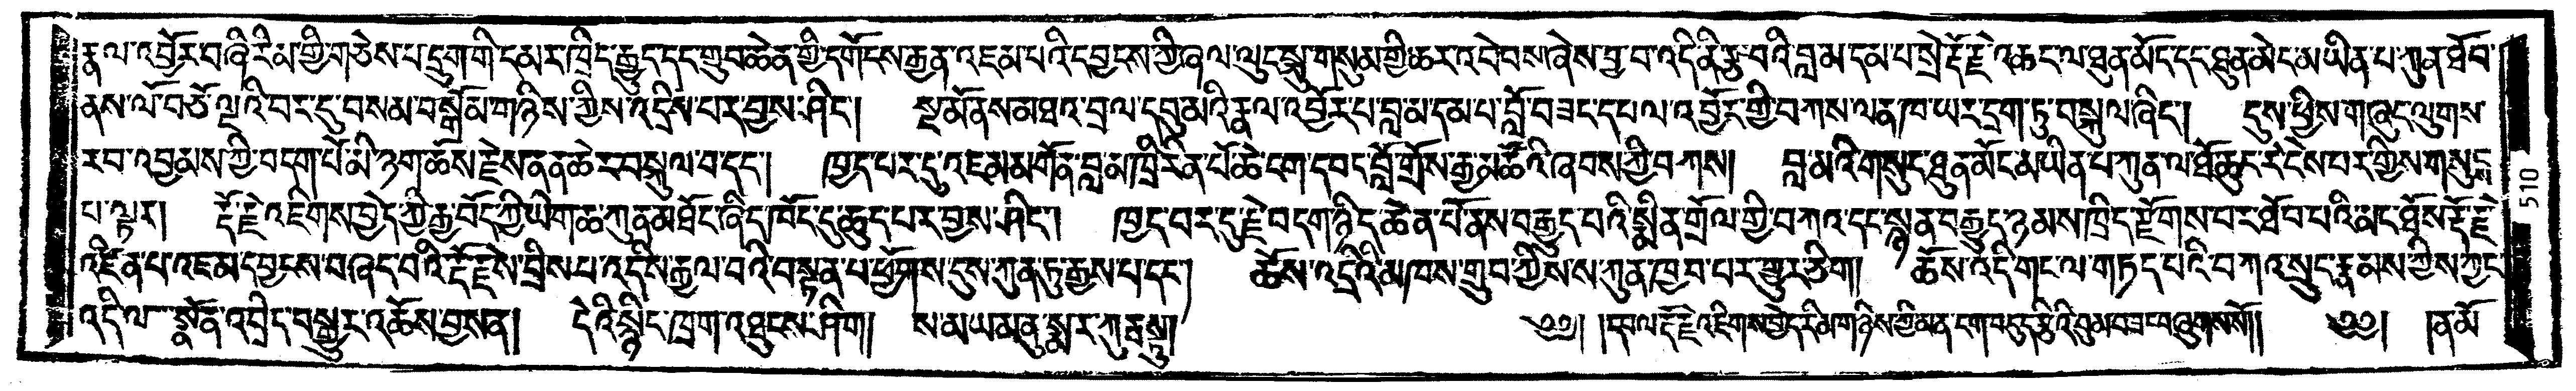རྣལ་འབྱོར་བཞི་རིམ་གྱི་གཅེས་པ་དྲུག་གི་དམར་ཁྲིད་རྒྱུད་དང་གྲུབ་ཆེན་གྱི་དགོངས་རྒྱན་འཇམ་པའི་དབྱངས་ཀྱི་ཞལ་ལུང་སྐུ་གསུམ་གྱི་ཆར་འབེབས་ཞེས་བྱ་བ་འདི་ནི་རྩ་བའི་བླ་མ་དམ་པ་སྲེ་རྡོ་རྗེ་འཆང་ལ་ཐུན་མོང་དང་ཐུན་མོང་མ་ཡིན་པ་ཀུན་ཐོབ་
ནས་ལོ་བཅོ་ལྔའི་བར་དུ་བསམ་བསྒོམ་གཉིས་ཀྱིས་འདྲིས་པར་བྱས་ཤིང་། སྔ་མོ་ནས་མཐའ་བྲལ་དབུ་མའི་རྣལ་འབྱོར་པ་བླ་མ་དམ་པ་བློ་བཟང་དཔལ་འབྱོར་གྱི་བཀས་ལན་ཁ་ཡར་དྲག་ཏུ་བསྐུལ་ཞིང་། དུས་ཕྱིས་གཞུང་ལུགས་
རབ་འབྱམས་ཀྱི་བདག་པོ་མི་ཉག་ཆོས་རྗེས་ནན་ཆེར་བསྐུལ་བ་དང་། ཁྱད་པར་དུ་འཇམ་མགོན་བླ་མ་ཁྲི་རིན་པོ་ཆེ་ངག་དབང་བློ་གྲོས་རྒྱ་མཚོའི་ཞབས་ཀྱི་བཀས། བླ་མའི་གསུང་ཐུན་མོང་མ་ཡིན་པ་ཀུན་ལ་ཐོ་ཆུང་རེ་ངེས་པར་གྱིས་གསུངས་
པ་ལྟར། རྡོ་རྗེ་འཇིགས་བྱེད་ཀྱི་རྒྱ་བོད་ཀྱི་ཡིག་ཆ་ཀུན་མཐོང་ཞིང་ཁོང་དུ་ཆུད་པར་བྱས་ཤིང་། ཁྱད་པར་དུ་རྗེ་བདག་ཉིད་ཆེན་པོ་ནས་བརྒྱུད་པའི་སྨིན་གྲོལ་གྱི་བཀའ་དང་སྙན་བརྒྱུད་ཉམས་ཁྲིད་རྫོགས་པར་ཐོབ་པའི་མང་ཐོས་རྡོ་རྗེ་
འཛིན་པ་འཇམ་དབྱངས་བཞད་བའི་རྡོ་རྗེས་བྲིས་པ་འདིས་རྒྱལ་བའི་བསྟན་པ་ཕྱོགས་དུས་ཀུན་ཏུ་རྒྱས་པ་དང་། ཆོས་འདྲིའི་མཁས་གྲུབ་ཀྱིས་ས་ཀུན་ཁྱབ་པར་གྱུར་ཅིག། ཆོས་འདི་གང་ལ་གཏད་པའི་བཀའ་སྲུང་རྣམས་ཀྱིས་ཀྱང་
འདི་ལ་སྣོན་འབྲིད་བསྒྱུར་འཆོས་བྱས་ན། དེའི་སྙིང་ཁྲག་འཐུངས་ཤིག། ས་མ་ཡ་མ་ནུ་སྨ་ར་ཀུརྦསྟུ། ༄༅། །དཔལ་རྡོ་རྗེ་འཇིགས་བྱེད་རིམ་གཉིས་ཀྱི་མན་ངག་བདུད་རྩིའི་བུམ་བཟང་བཞུགས་སོ།། ༄༅། །ན་མོ་